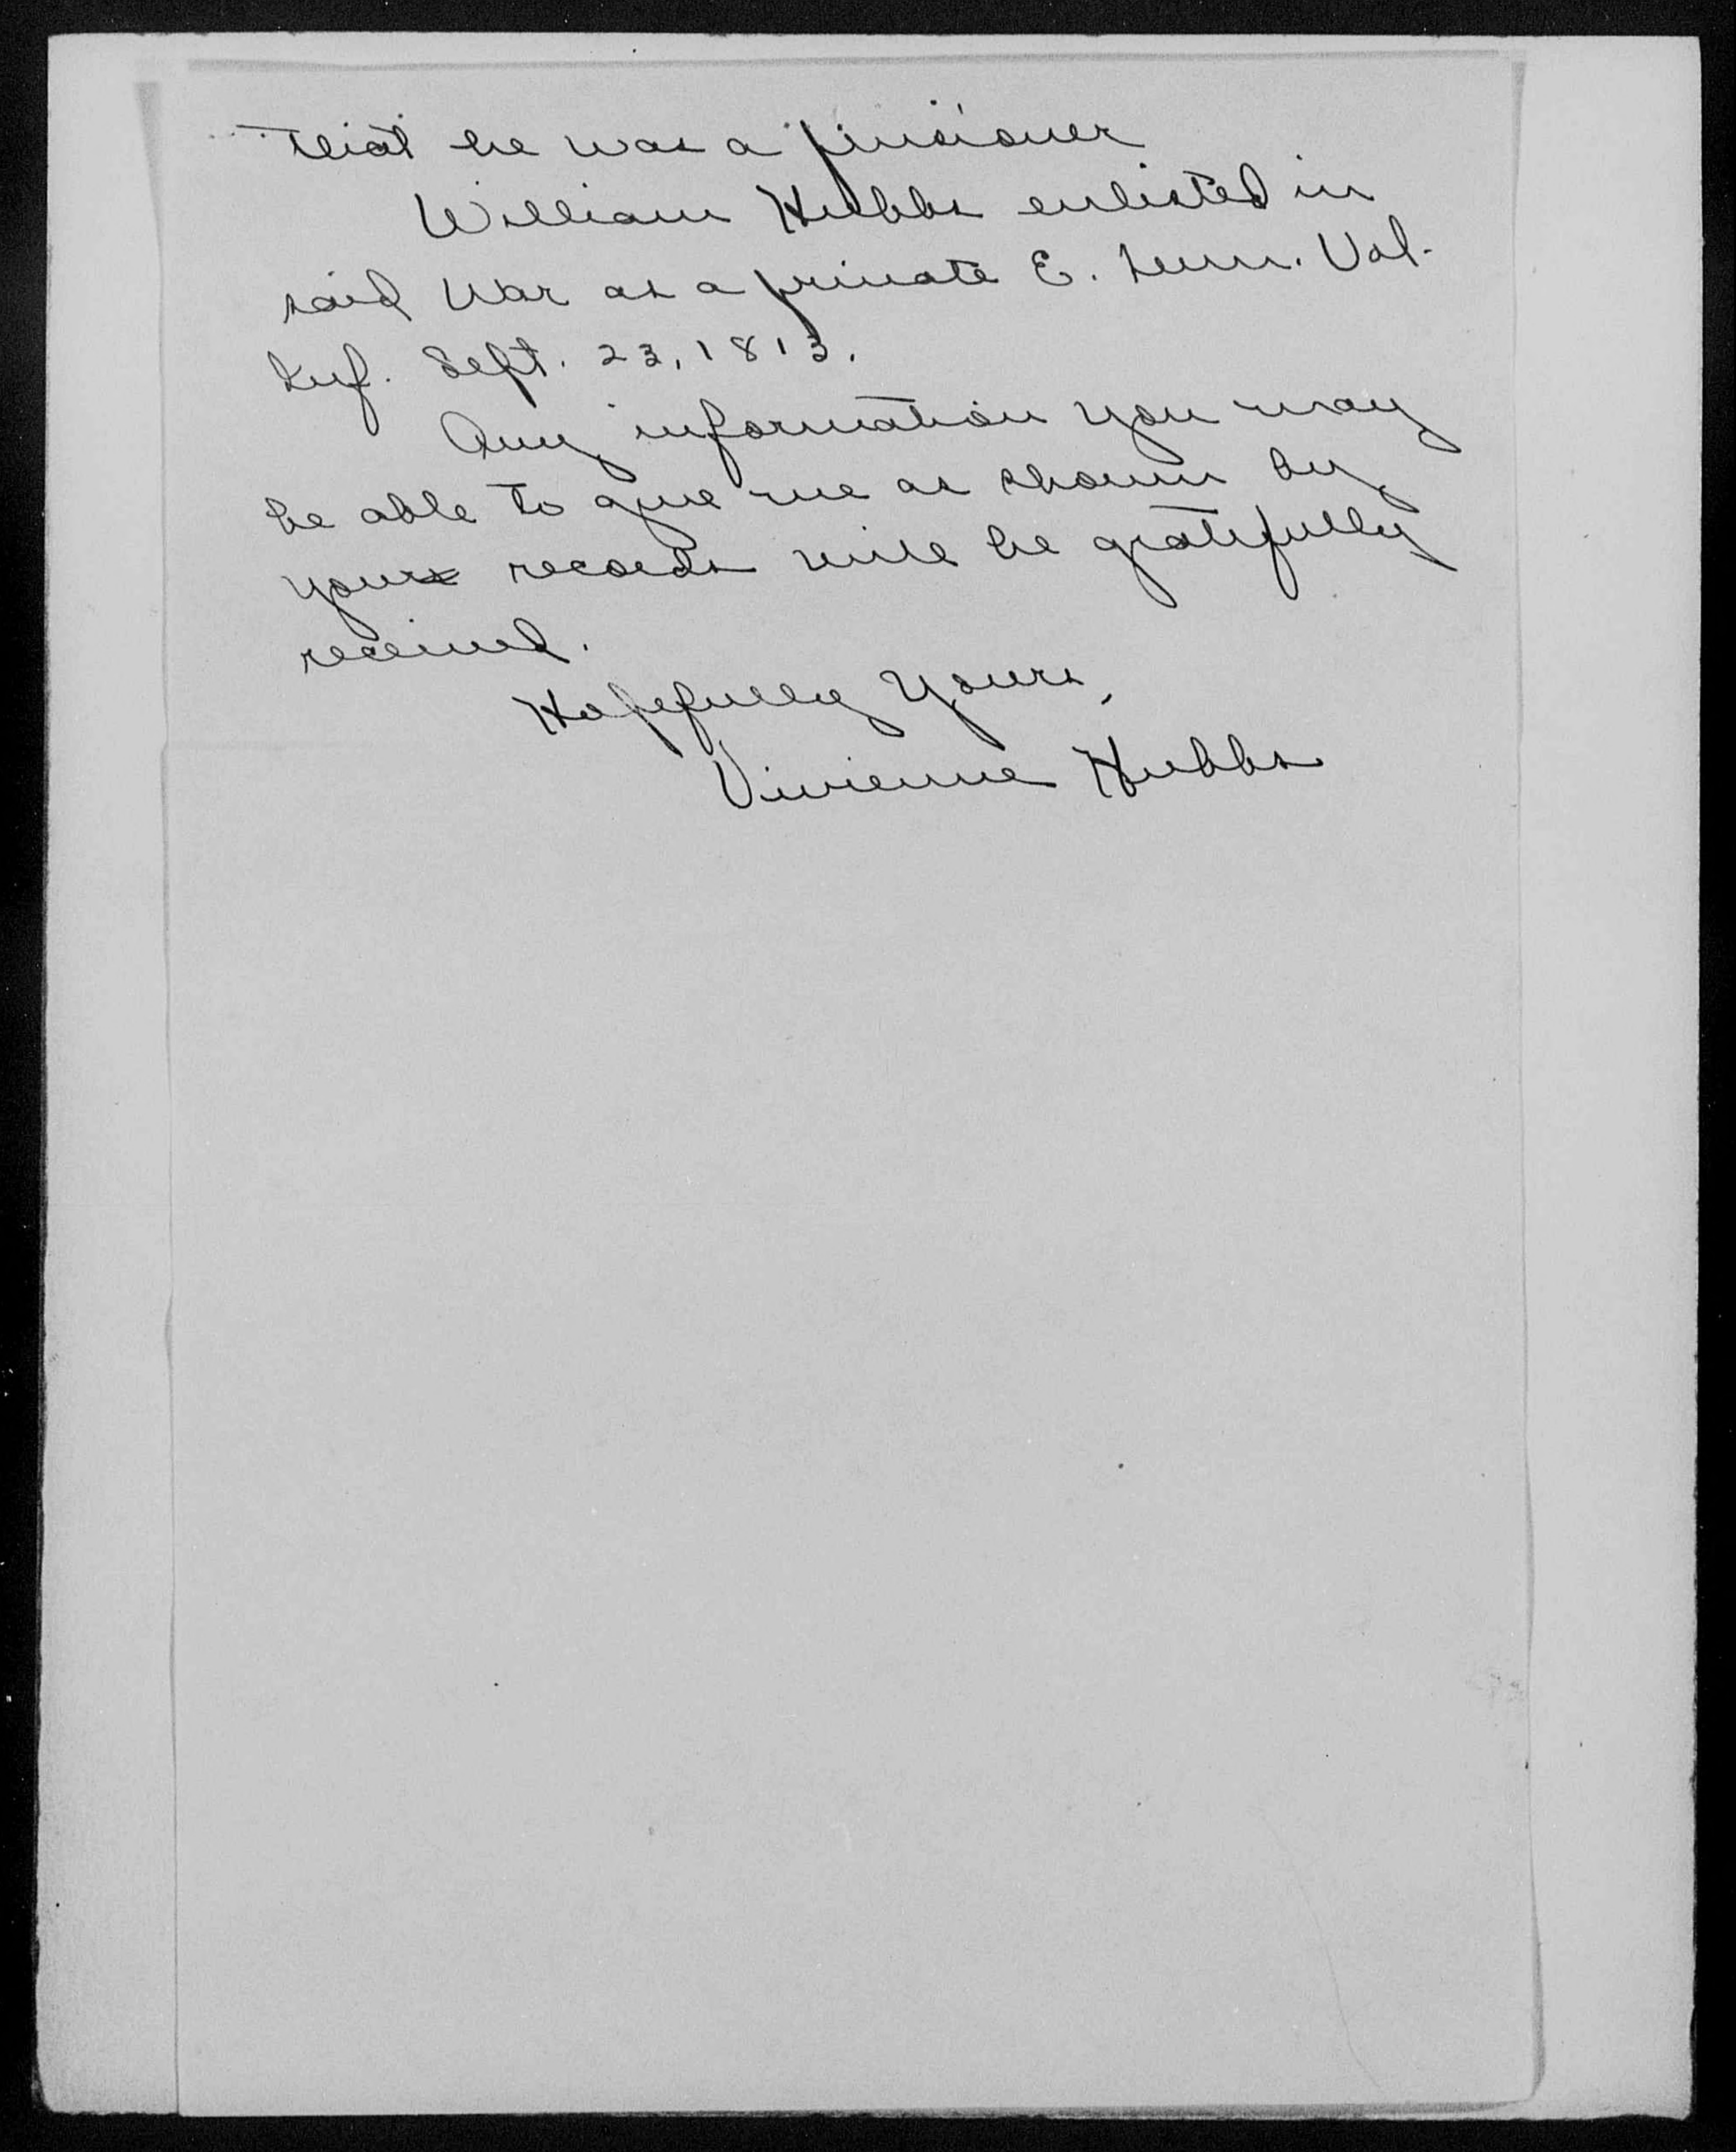that he was a pensioner. 
William Hubbs enlisted in said War as a private E. Hun. Valley Sept. 23,01813.
Any information you may be able to give me as shown by your records will be gratefully received.
Hopefully yours,
Vivienne Hubbs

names: William Hubbs, Vivienne Hubbs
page: 41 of 86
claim: widow's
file: W. 1035, John Hubbs, S.C.